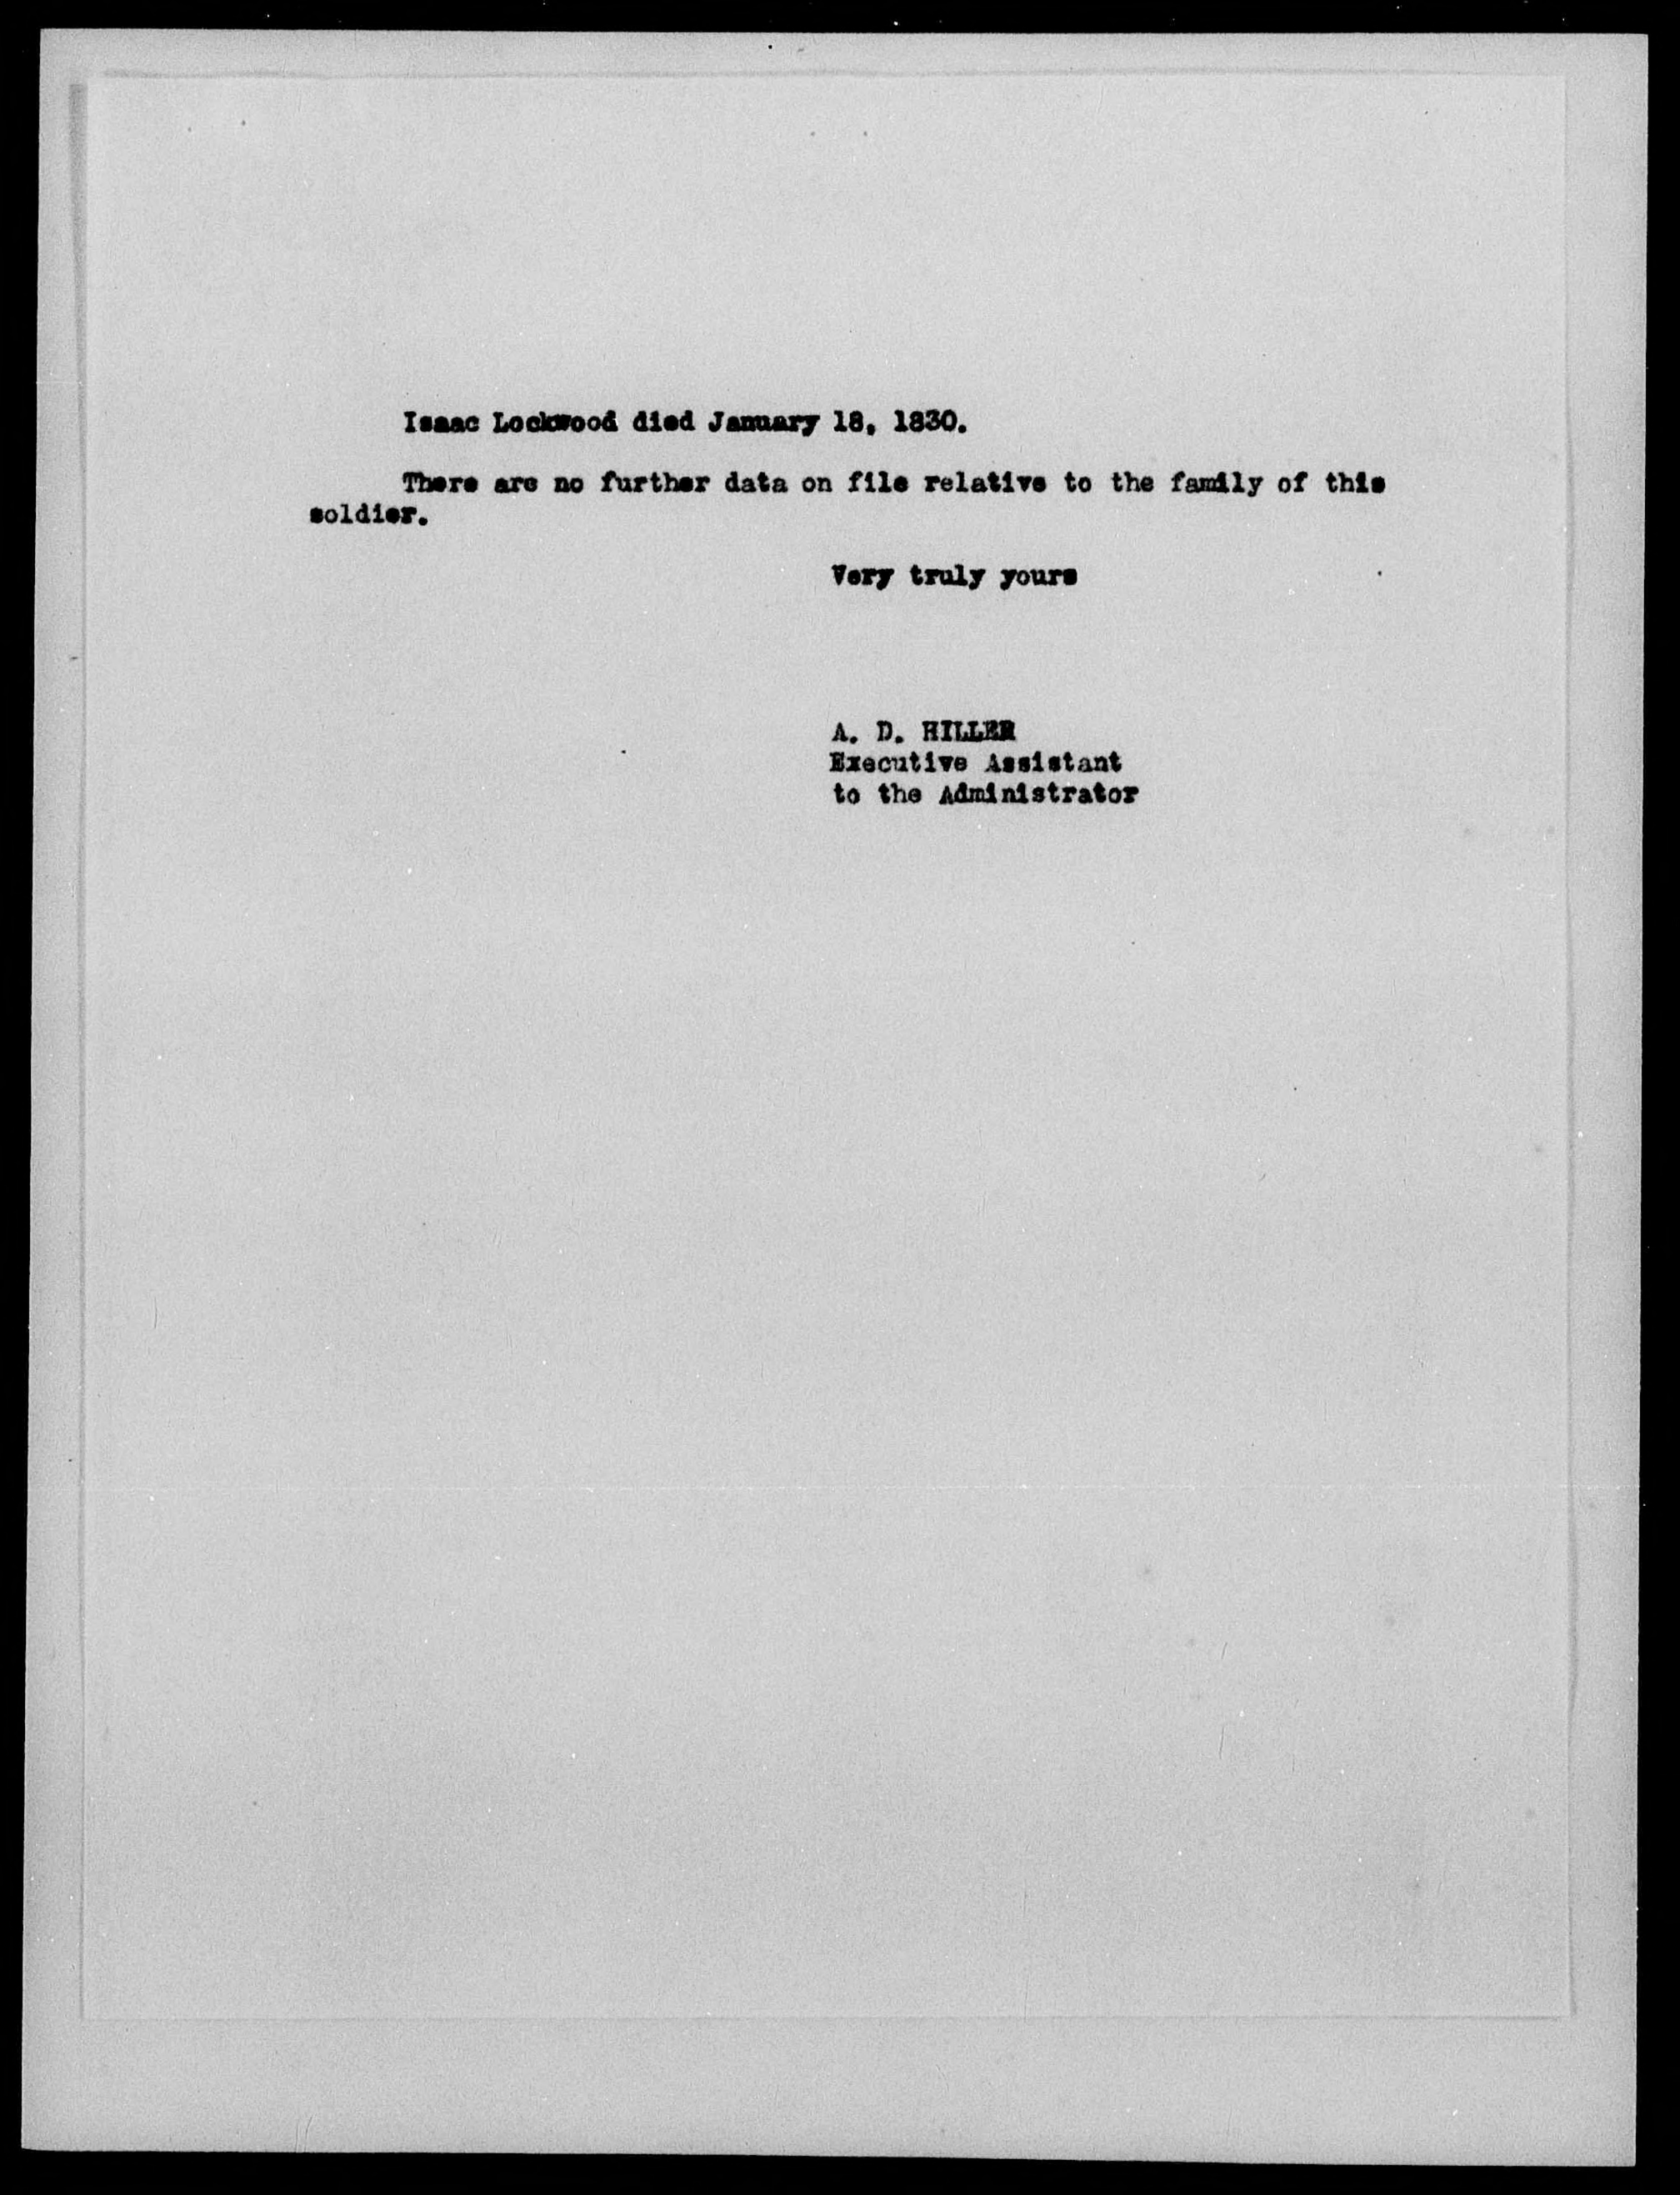Isaac Lockwood died January 18, 1830.

There are no further data on file relative to the family of this soldier.

Very truly yours

A. D. HILLER
Executive Assistant 
to the Administrator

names: Isaac Lockwood; A D Hiller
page: 11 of 23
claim: survivor's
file: S 42891, for Isaac Lockwood, New York